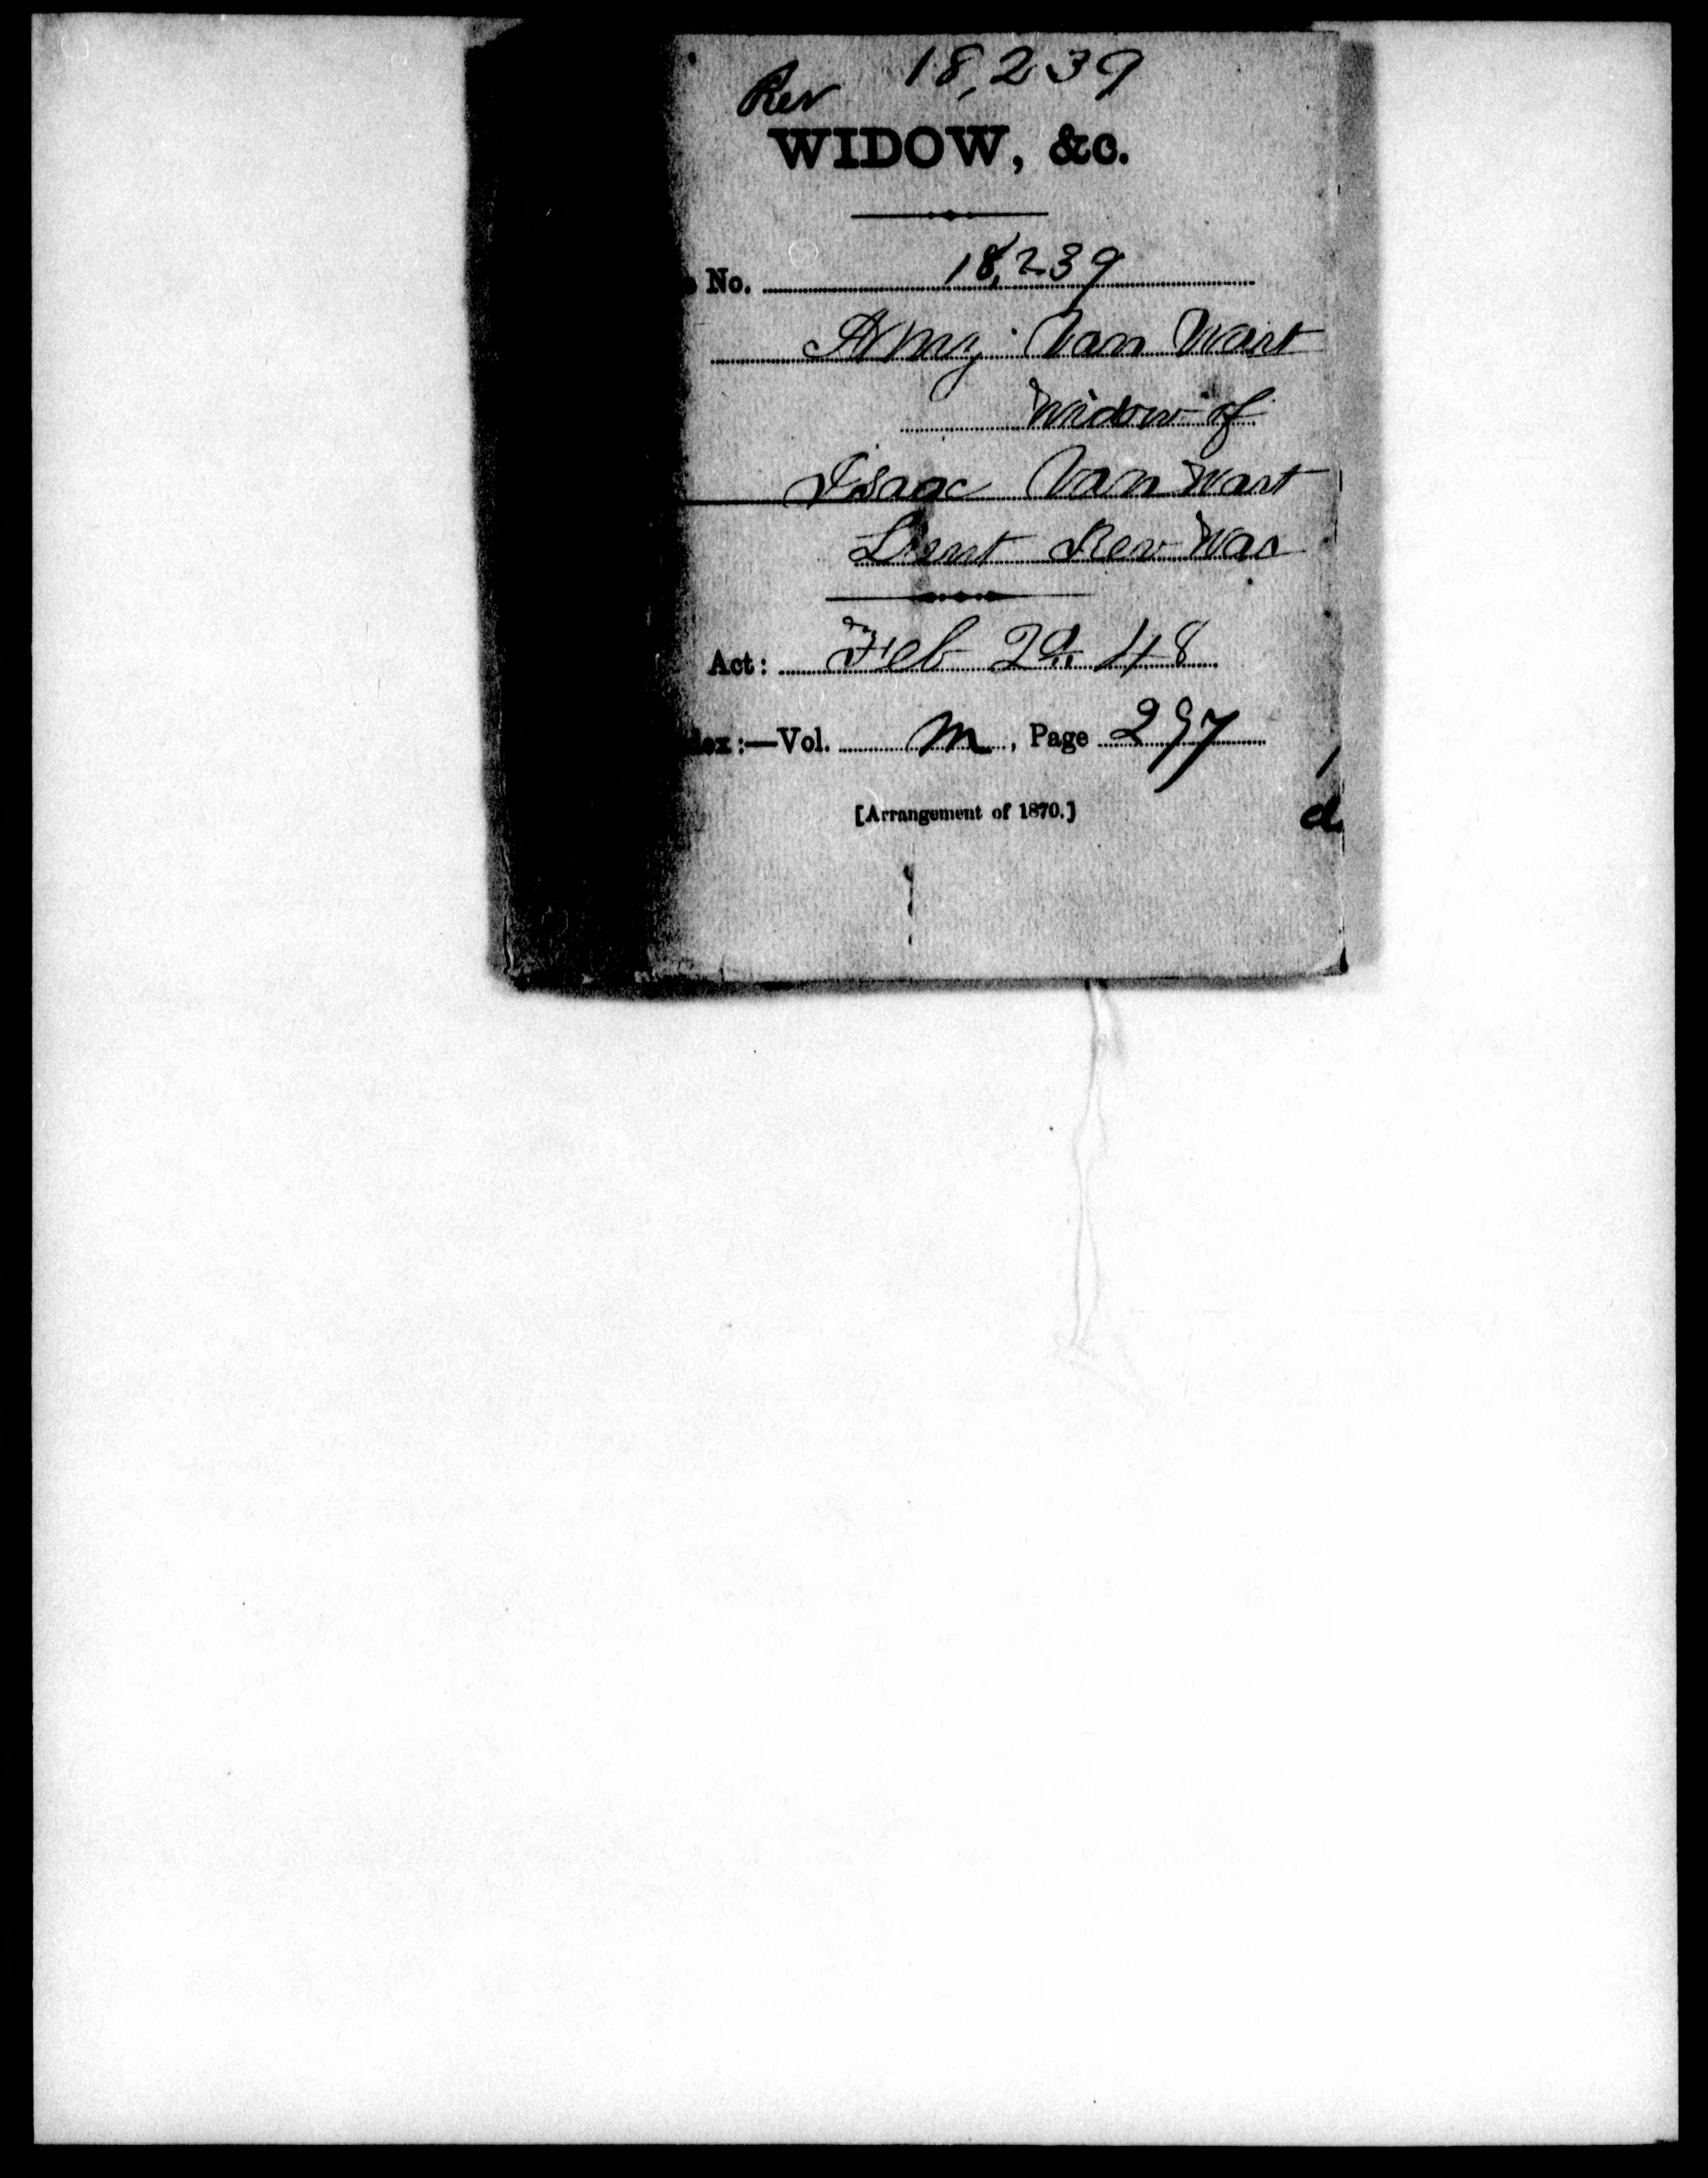Rev  18,239
WIDOW, &c. 
No. 18,239 
Amy Van Wart widow of Isaac Van Wart Lieut Rev War 
Act: Feb 2d 48 
Index:- Vol. M.  Page 297 
[Arrangement of 1870.)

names: Isaac Van Wart, Amy Van Wart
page: 41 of 102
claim: widow's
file: W. 18239, Isaac Van Wart, New York